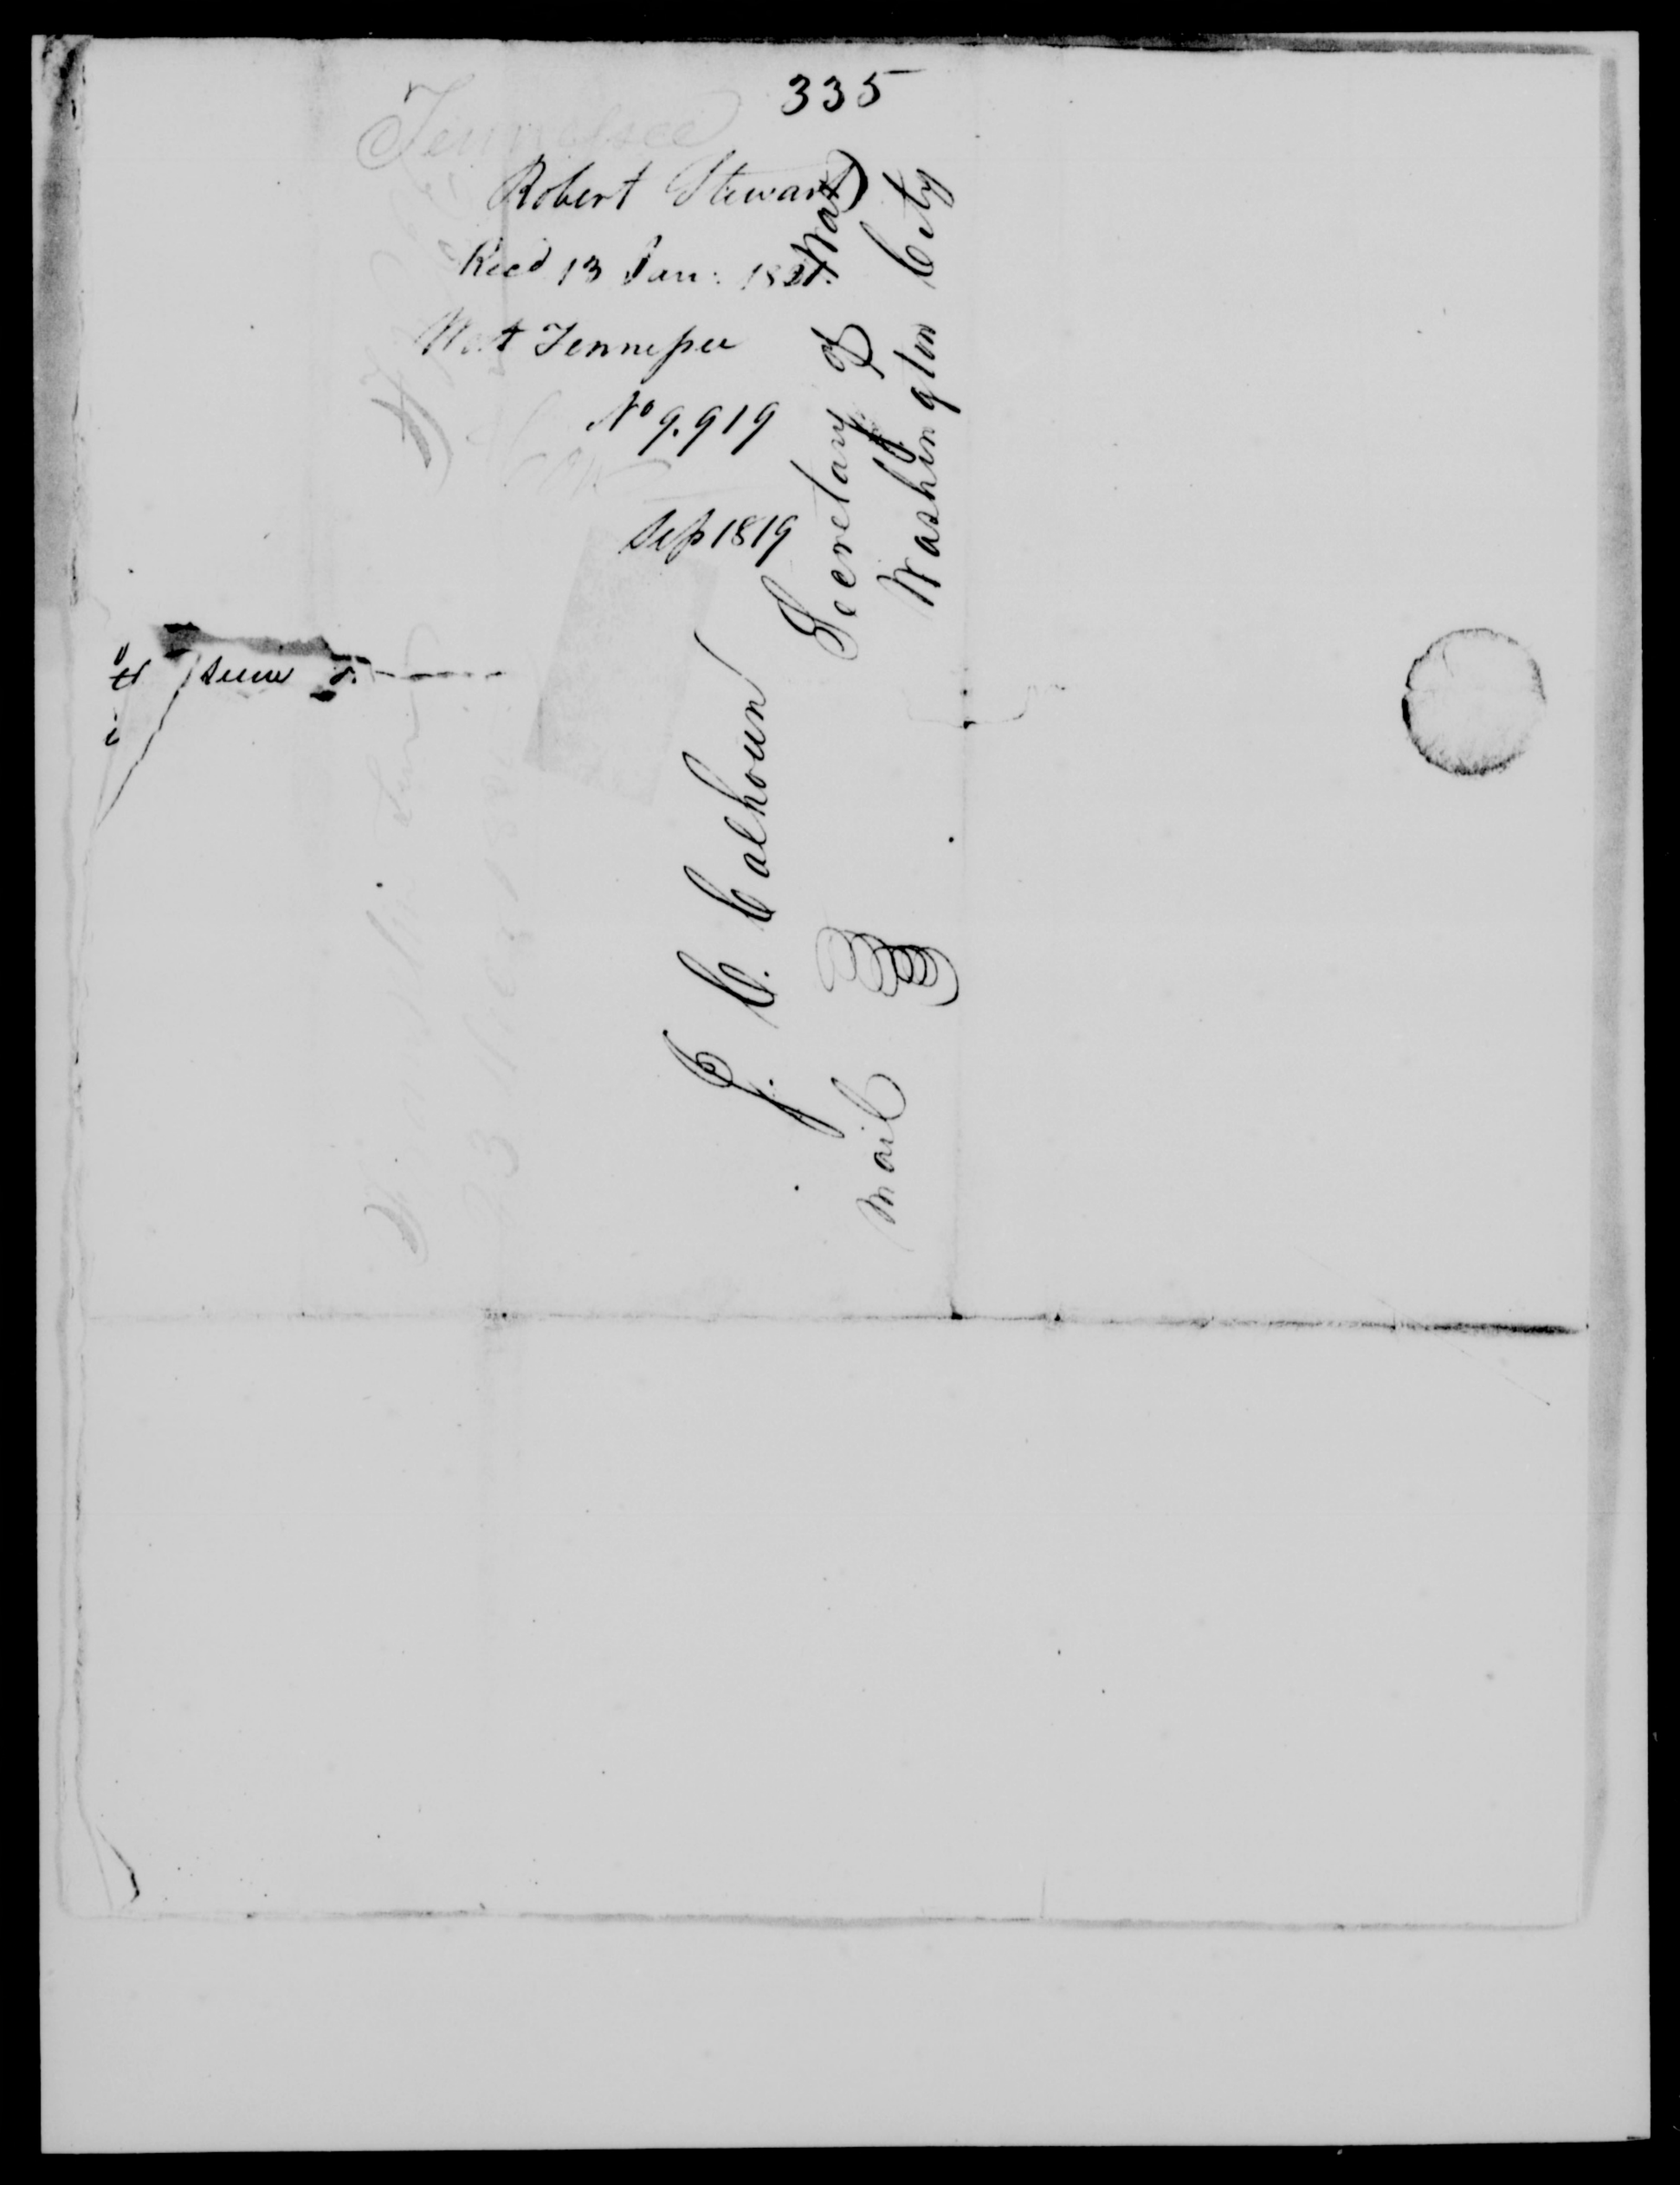Tennessee   335
Robert Stewart
Recd 13 Jan. 1821.
West 
Tennessee
No. 9.919

J. C. Calhoun
Secretary of War
Washington City
mail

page: 3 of 15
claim: survivor's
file: S 39089, for Robert Stewart, Maryland